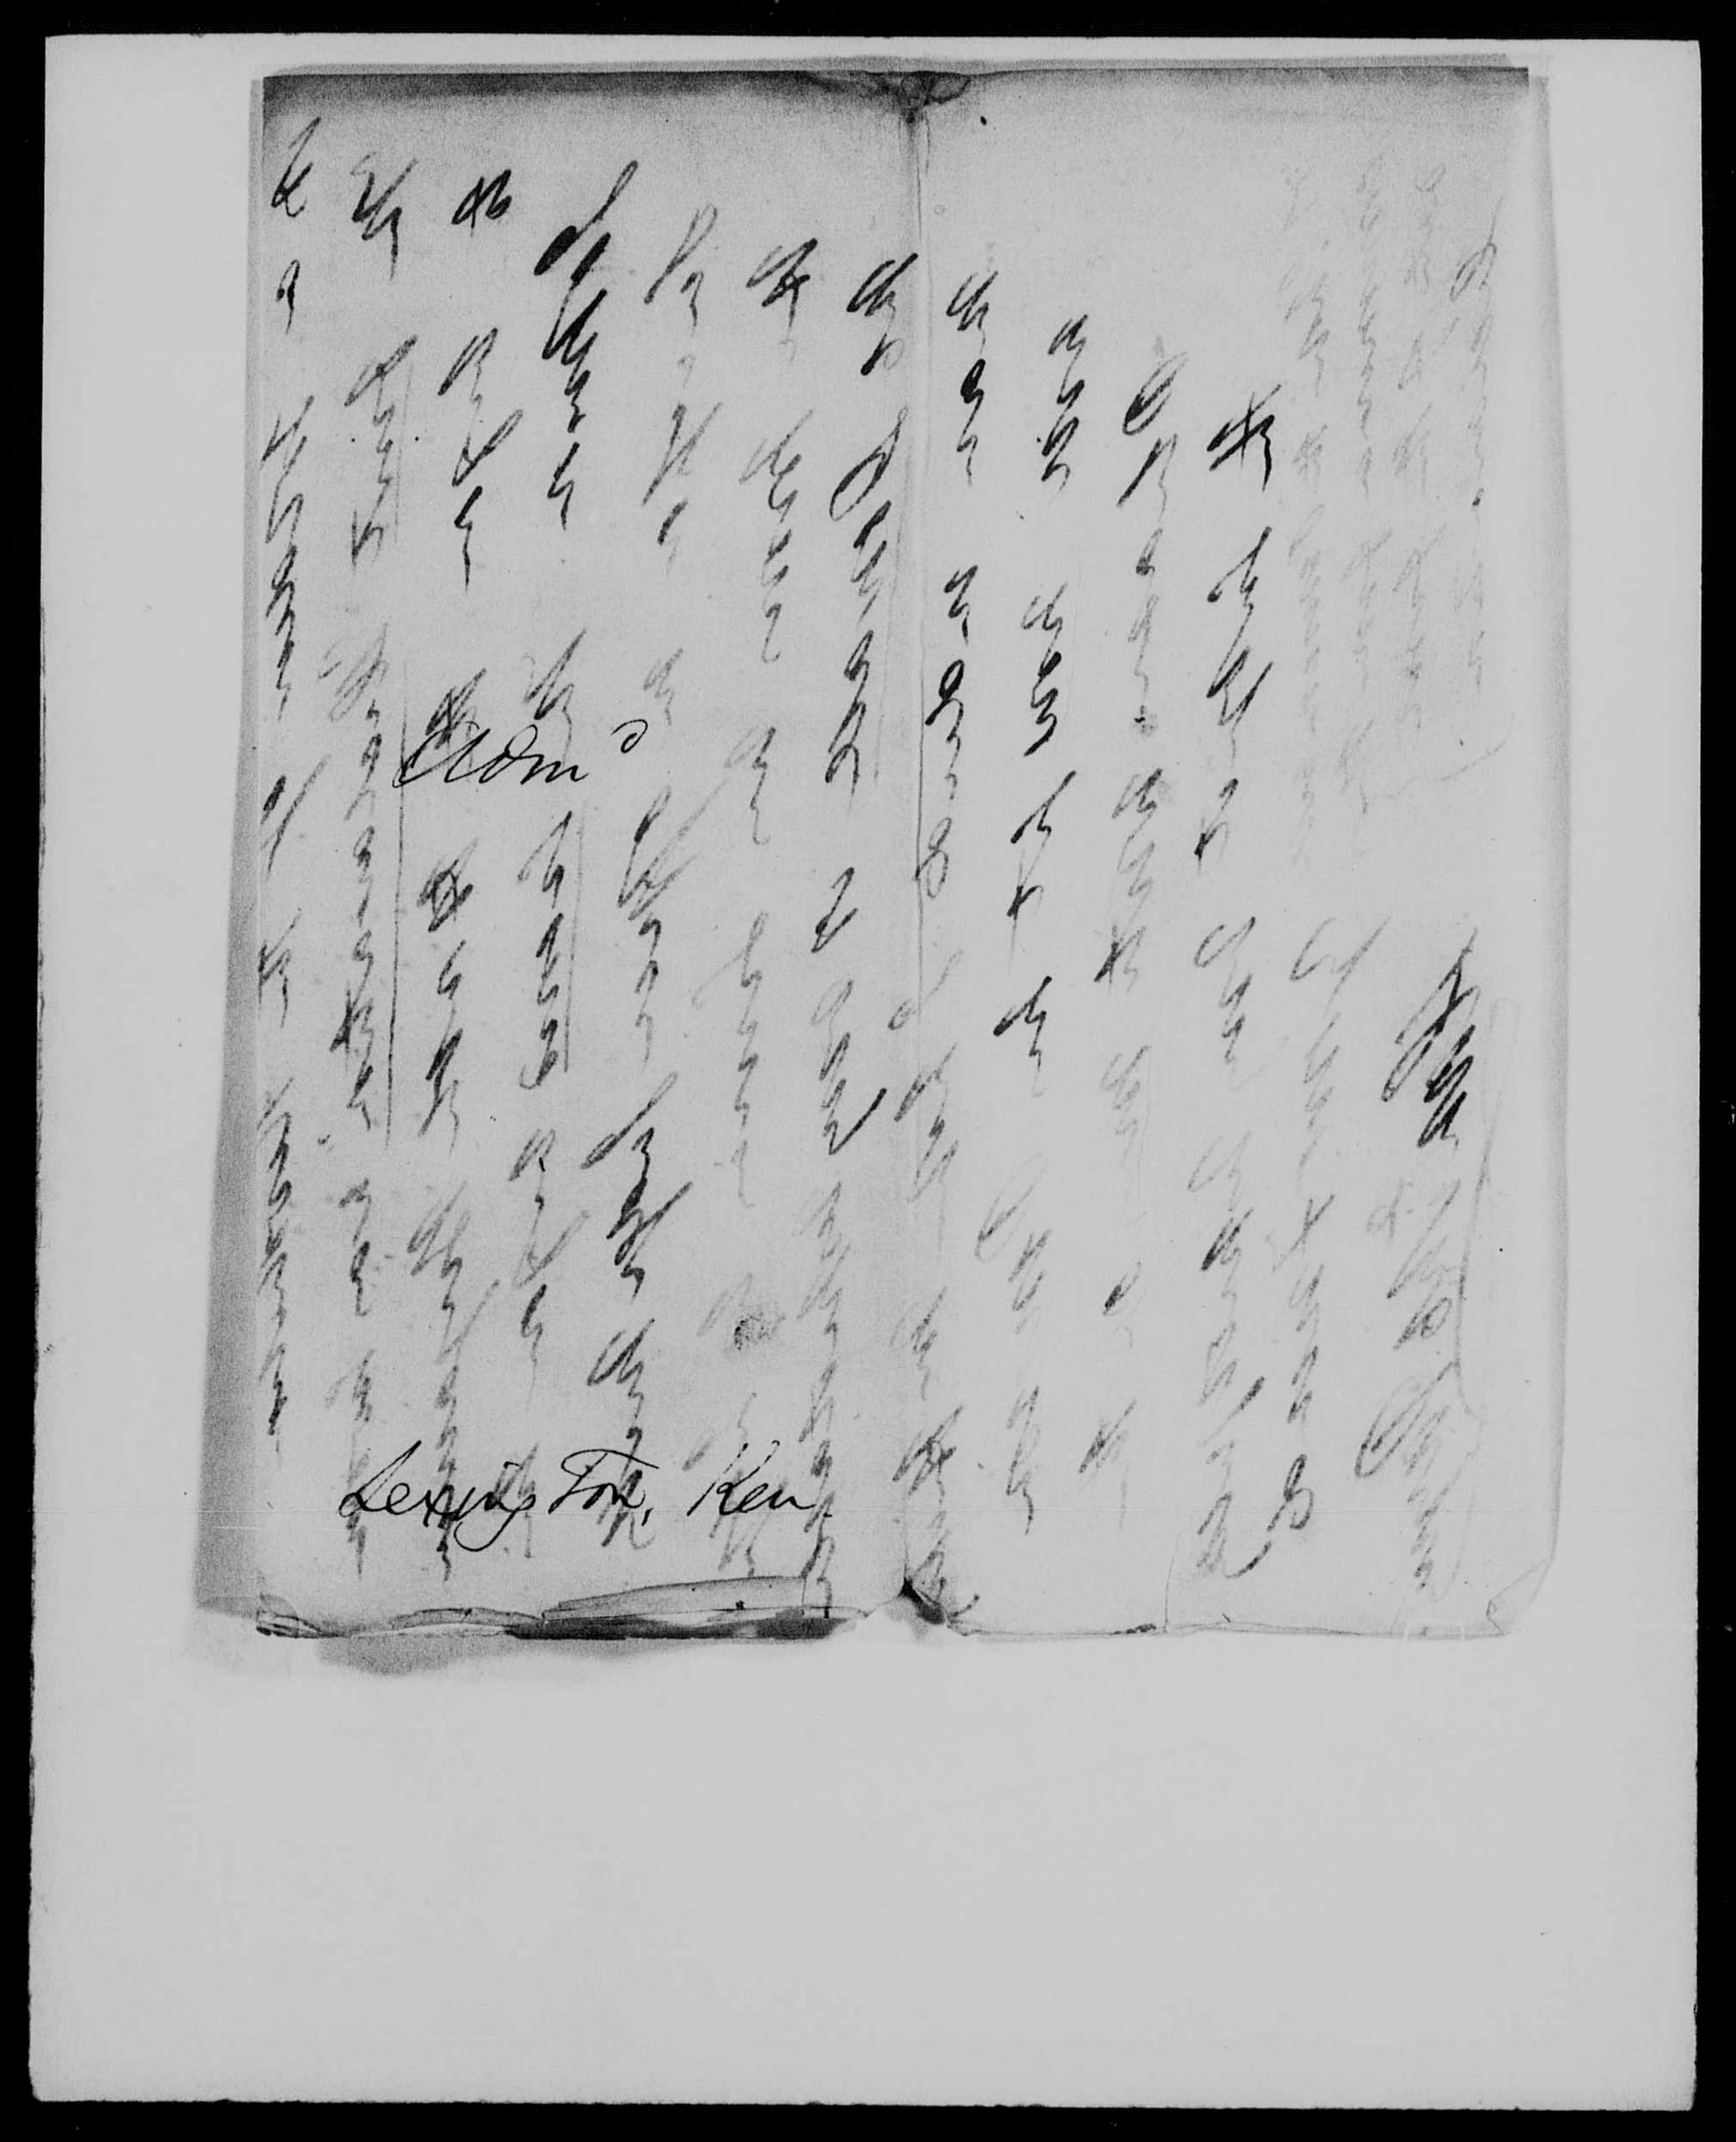[Letter from other side bled through paper]
Adm
Lexington Ken.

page: 64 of 84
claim: widow's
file: W. 7744, Daniel Hickey, Penn.